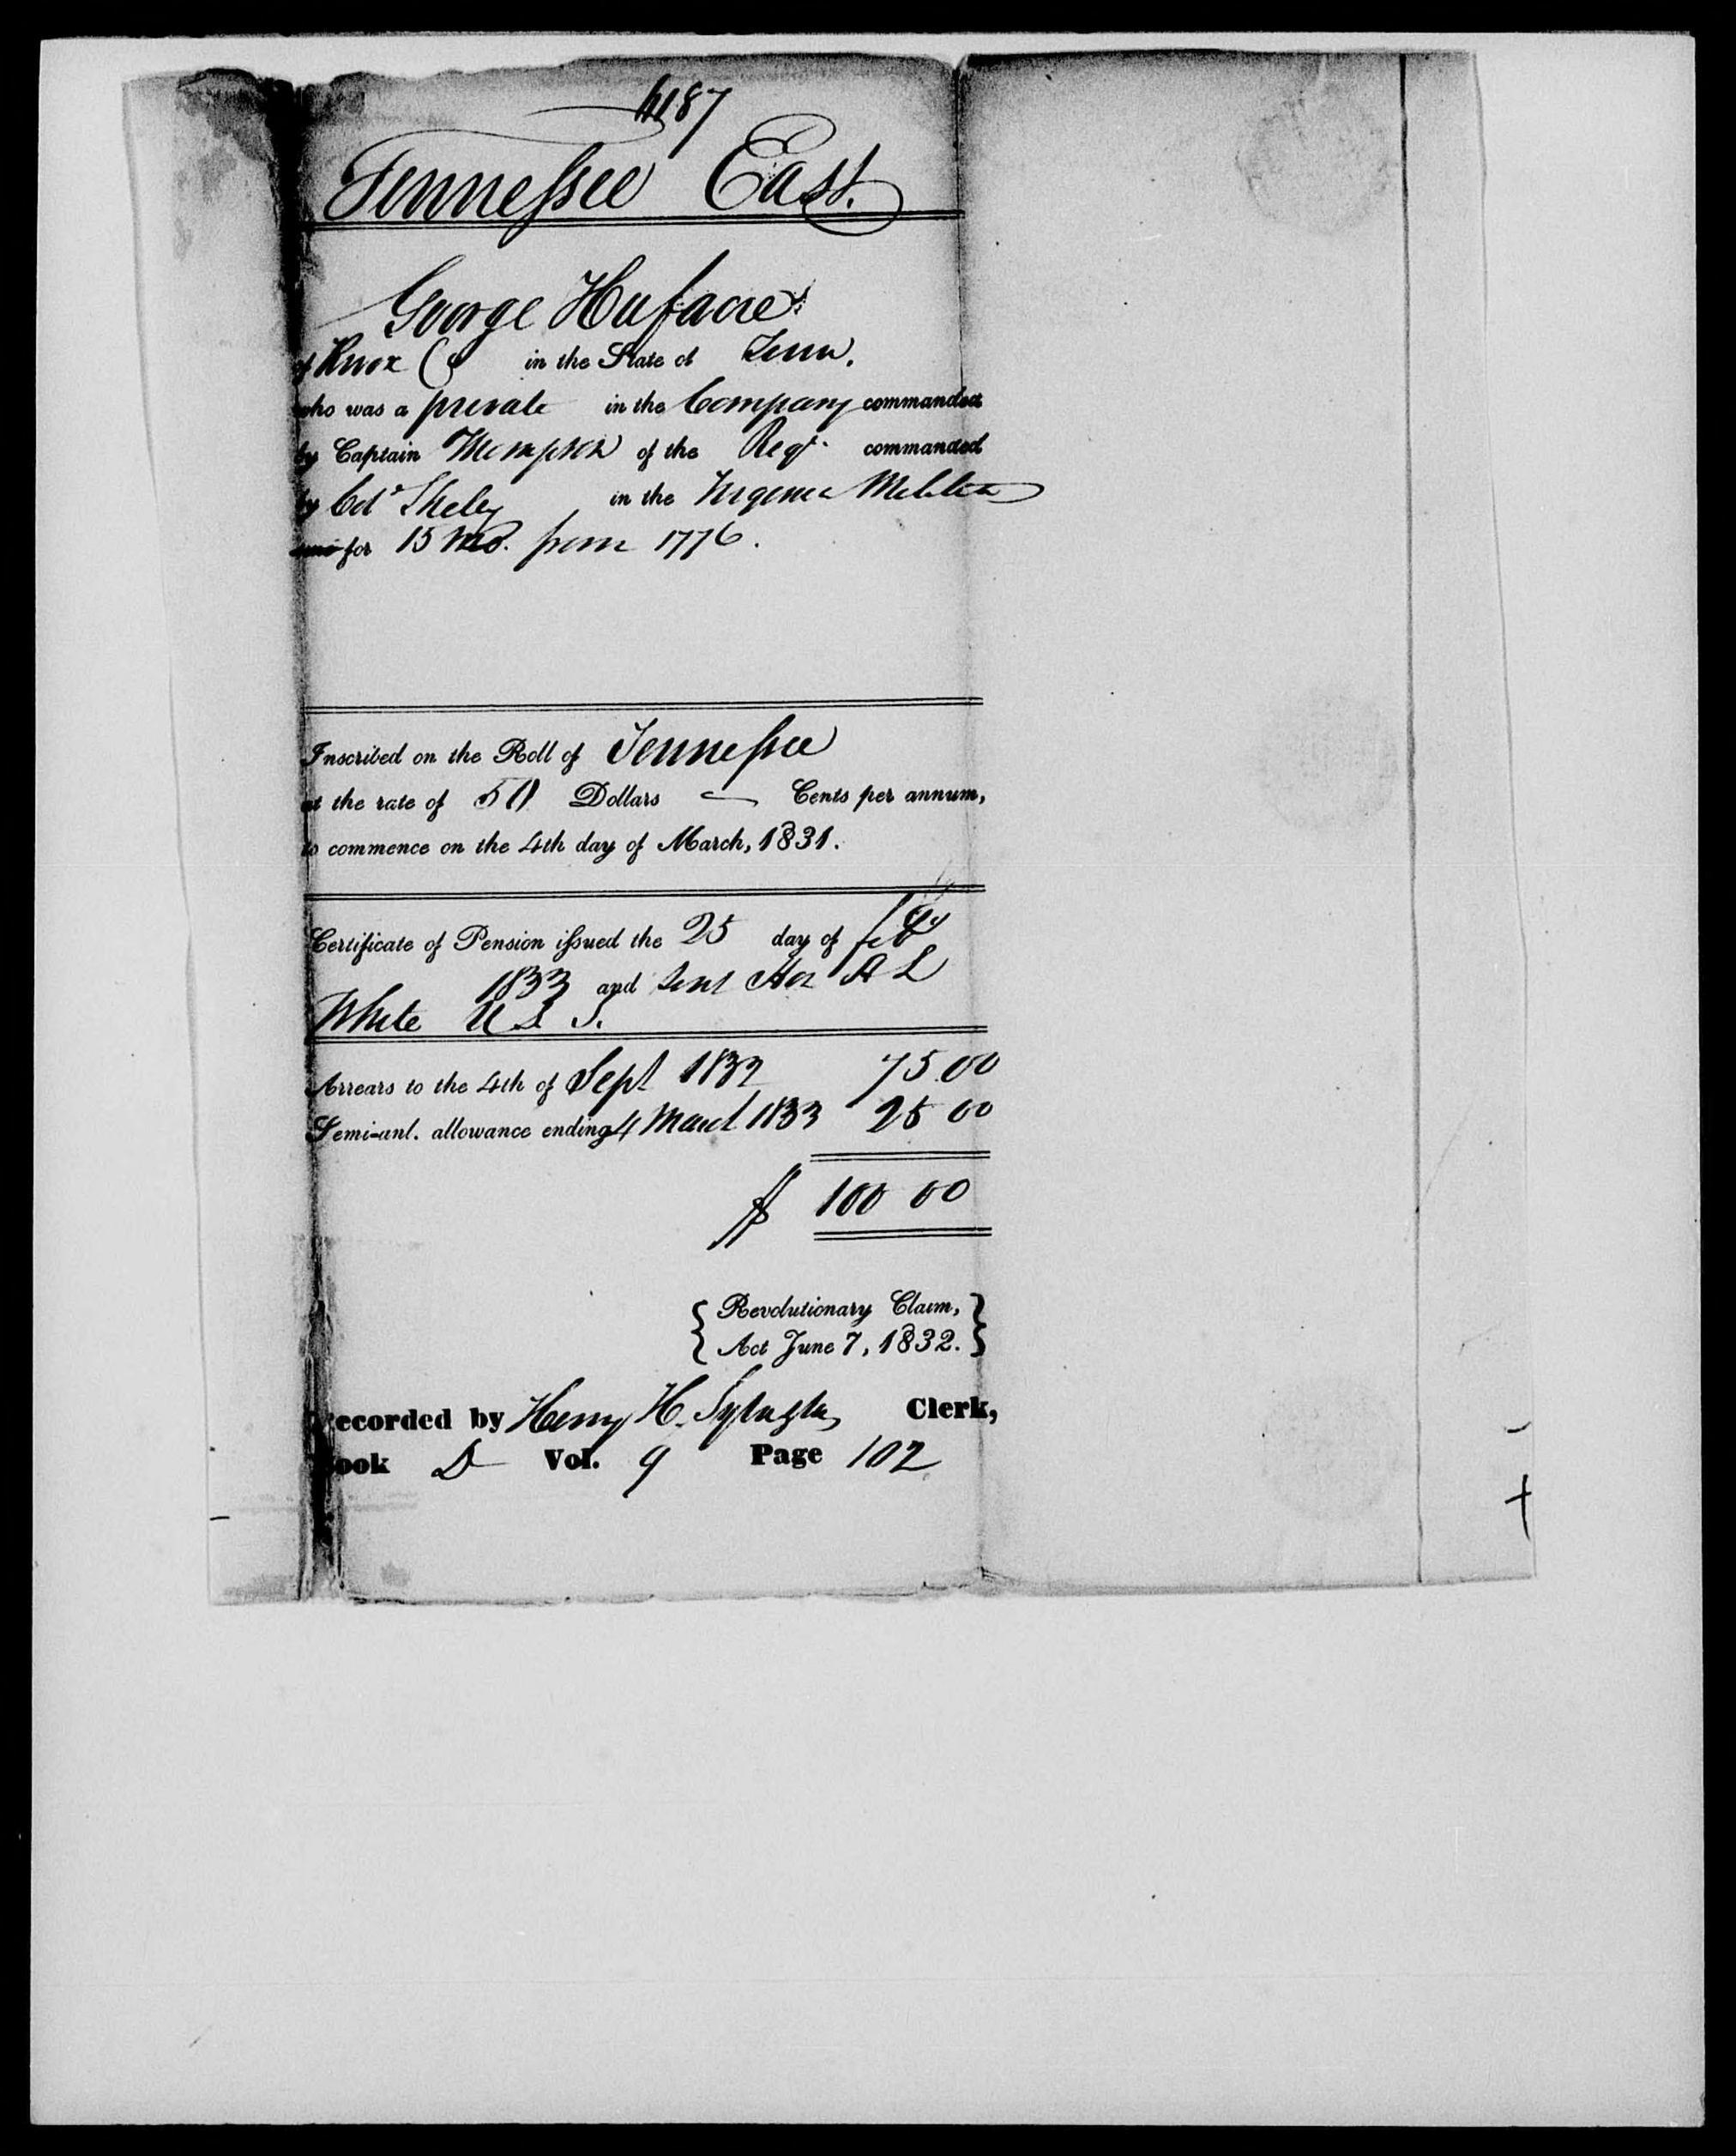/1187
Tennessee East.
George Hufacre
of Knox Co. in the State of Tenn.
who was a private in the Company commanded
by Captain Thompson of the Regt. commanded
by Col Sheley in the Virginia Militia
[illegible] for 15 mo. from 1776

Inscribed on the Roll of Tennessee
at the rate of 50 Dollars - Cents per annum,
to commence on the 4th day of March, 1831.

Certificate of Pension issued the 25 day of July
1833 and sent Hor A L
White U. S. S.

Arrears to the 4th of Sept 1832 75.00
Semi-anl. allowance ending 4 March 1833 25.00
$100.00

Revolutionary Claim,
Act June 7, 1832.

Recorded by Henry H. Sylvester, Clerk,
Book D Vol. 4 Page 102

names: Sheley, Thompson, Henry H Sylvester, George Hufacre, A L White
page: 2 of 19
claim: survivor's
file: S. 1826, George Hufacre, Va.